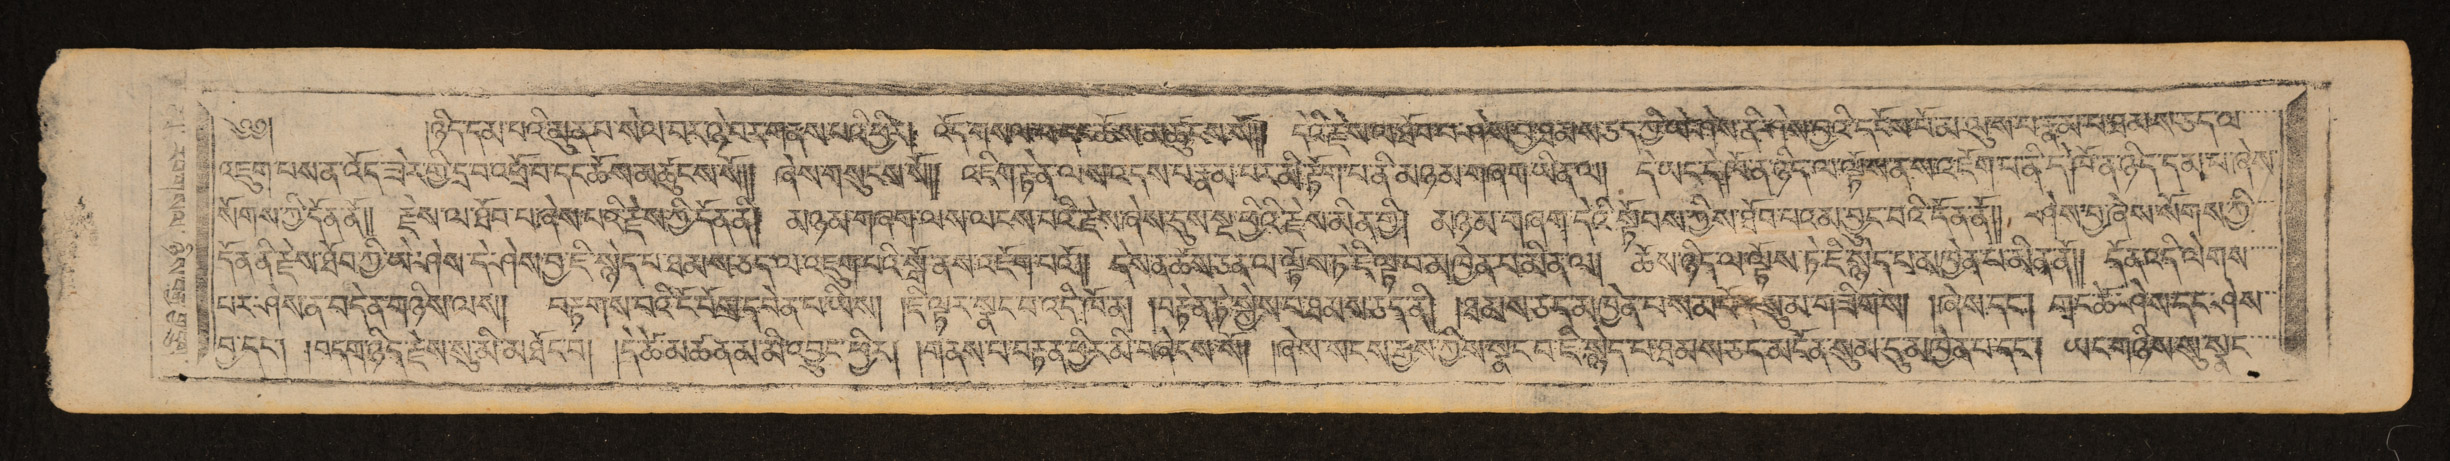༄༅། །ཉིད་དམ་པའི་མུན་པ་སེལ་བར་ཉེ་བར་གནས་པའི་ཕྱིར། འོད་གསལ་བ་དང་ཆོས་མཚུངས་སོ།། དེའི་རྗེས་ལ་ཐོབ་པ་ཤེས་བྱ་ཐམས་ཅད་ཀྱི་ཡེ་ཤེས་ནི་ཤེས་བྱའི་དངོས་པོ་མ་ལུས་པ་རྣམ་པ་ཐམས་ཅད་ལ་
འཇུག་པས་ན་འོད་ཟེར་གྱི་དྲ་བ་འཕྲོ་བ་དང་ཆོས་མཚུངས་སོ།། ཞེས་གསུངས་སོ།། འཇིག་རྟེན་ལས་འདས་པ་རྣམ་པར་མི་རྟོག་པ་ནི་མཉམ་གཞག་ཡིན་ལ། དེ་ཡང་དེ་ཁོ་ན་ཉིད་ལ་ལྟོས་ནས་འཇོག་པ་ནི་དེ་ཁོ་ན་ཉིད་དམ་པ་ཞེས་
སོགས་ཀྱི་དོན་ནོ།། རྗེས་ལ་ཐོབ་པ་ཞེས་པའི་རྗེས་ཀྱི་དོན་ནི། མཉམ་གཞག་ལས་ལངས་པའི་རྗེས་ཞེས་དུས་སྔ་ཕྱིའི་རྗེས་མིན་གྱི། མཉམ་གཞག་དེའི་སྟོབས་ཀྱིས་ཐོབ་པའམ་བྱུང་བའི་དོན་ནོ།། ཤེས་བྱ་ཞེས་སོགས་ཀྱི་
དོན་ནི་རྗེས་ཐོབ་ཀྱི་ཡེ་ཤེས་དེ་ཤེས་བྱ་ཇི་སྙེད་པ་ཐམས་ཅད་ལ་འཇུག་པའི་སྒོ་ནས་འཇོག་པའོ།། དེས་ན་ཆོས་ཅན་ལ་ལྟོས་ཏེ་ཇི་ལྟ་བ་མཁྱེན་པ་མིན་ལ། ཆོས་ཉིད་ལ་ལྟོས་ཏེ་ཇི་སྙེད་པ་མཁྱེན་པ་མིན་ནོ།། དོན་འདི་ལེགས་
པར་ཤེས་ན་བདེན་གཉིས་ལས། བརྟགས་པའི་ངོ་བོས་དབེན་པ་ཡིས། །ཇི་ལྟར་སྣང་བ་འདི་ཁོ་ན། །བརྟེན་ཏེ་སྐྱེས་པ་ཐམས་ཅད་ནི། །ཐམས་ཅད་མཁྱེན་པས་མངོན་སུམ་གཟིགས། །ཞེས་དང་། གང་ཚེ་ཤེས་དང་ཤེས་
བྱ་དང་། །བདག་ཉིད་རྗེས་སུ་མི་མཐོང་བ། །དེ་ཚེ་མཚན་མ་མི་འབྱུང་ཕྱིར། །གནས་པ་བརྟན་ཕྱིར་མི་བཞེངས་སོ། །ཞེས་སངས་རྒྱས་ཀྱིས་སྣང་བ་ཇི་སྙེད་པ་ཐམས་ཅད་མངོན་སུམ་དུ་མཁྱེན་པ་དང་། ཡང་གཉིས་སུ་སྣང་